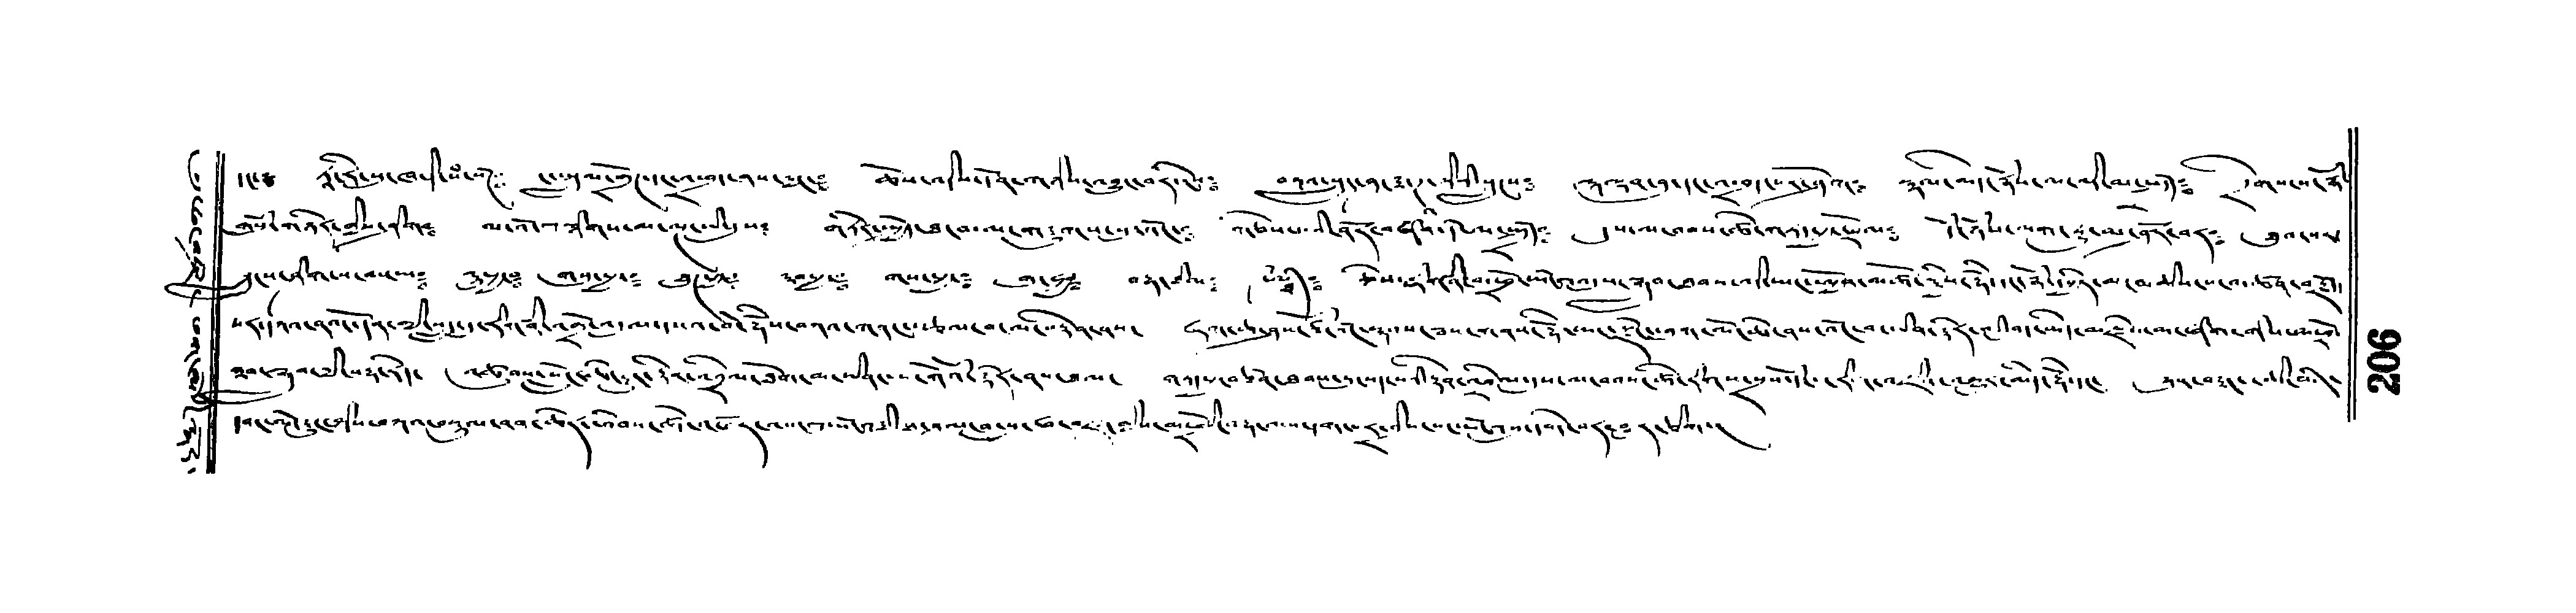དང༔ ཏཱ་རེ་སུ་ཁ་དི་པཾ་སོགས༔ ང་སྤྲུལ་གྲོགས་དང་འཕྲད་ནས་ཀྱང༔ ཆོས་འདིས་དོན་གཉིས་འབྱུང་བར་ངེས༔ བཀའ་སྲུང་ཤ་ཟ་ཌཱ་ཀིས་སྲུངས༔ སྐལ་ལྡན་བུ་དང་འཕྲད་པར་ཤོག༔ སྐལ་མེད་རྣམས་ལ་འདི་མ་སྤྲོད༔ དྲེགས་པ་རྣམ་
གསུམ་གཉེར་གྱིས་ཤིག༔ མ་འོངས་སྙིགས་མ་ལྔ་ཡི་དུས༔ གཏེར་སྤྱོད་ཐ་མལ་གཟུགས་སུ་འོང༔ གཅེས་པའི་ནོར་བཞིན་དེ་ལ་སྤྲོད༔ དུས་ལ་བབས་ཚེ་གཏད་རྒྱ་ཁྲོལ༔ དམ་ཉམས་ལག་ཏུ་མ་ཤོར་བ༔ ཐུབ་པར་
སྲུངས་ཤིག་ས་མ་ཡ༔ སྐུ་རྒྱ༔ གསུང་རྒྱ༔ ཐུགས་རྒྱ༔ ཟབ་རྒྱ༔ གསང་རྒྱ༔ གུ་ཧྱ༔ བརྡ་ཐིམ༔ ༔ ཅེས་རིག་འཛིན་མཁའ་འགྲོ་ཡོངས་འདུས་ཀྱི་སྒྲུབ་ཐབས་འདི་ཡང་ཨོ་རྒྱན་མཚོ་སྐྱེས་རྡོ་རྗེ་དང་རྣམ་དབྱེར་མ་མཆིས་པ་མཚན་བརྗོད་
པར་དཀའ་ནའང་དོན་གྱི་སླད་དུ་རིག་འཛིན་འགྲོ་འདུལ་དཔའ་བོ་རྡོ་རྗེས་བཀའ་གནང་སྩལ་བ་ལ་བརྟེན་ནས། ཞག་ཆ་ཤས་ཙམ་སོང་སྐབས་སྦས་གནས་རྡོ་རྗེ་ཡང་རྫོང་ཕུག་མོ་ཆེ་ནས་འོངས་བ་ཡིན་ཟེར་བའི་བུད་མེད་མཛེས་མ་ཞིག་གིས་མཁའ་འགྲོ་
ཟབ་སྒྲུབ་ཀྱི་བརྡ་རེད། འཚུབས་སློང་ཆེ་རུང་རྟེན་འབྲེལ་ཐོག་མ་ཡིན་པས་གོའམ་ཟེར་ནས་ཐལ། གཏད་རྒྱ་བཙན་ཐབས་སུ་སད་པའི་རྟེན་འབྲེལ་དུས་ལ་བབས་ཚེ་རིགས་སྲས་དམ་པ་རིག་འཛིན་འགྱུར་མེད་རྡོ་རྗེ་དང་། ཀུན་བཟང་འཆི་མེད་
དབང་མོ་ཟུང་གིས་བཀའ་བསྐུལ་ནན་ཆེར་ཕེབས་ཚེ་འཁོར་འབངས་ཡོངས་ཀྱི་ཐ་ཤལ་བ་སུ་ཁ་བཛྲ་གྱིས་མཁའ་འགྲོའི་བརྡ་ལས་དག་པར་བྲིས་པ་ཡོངས་སུ་དགེ་བར་གྱུར་ཅིག། དགེའོ།།